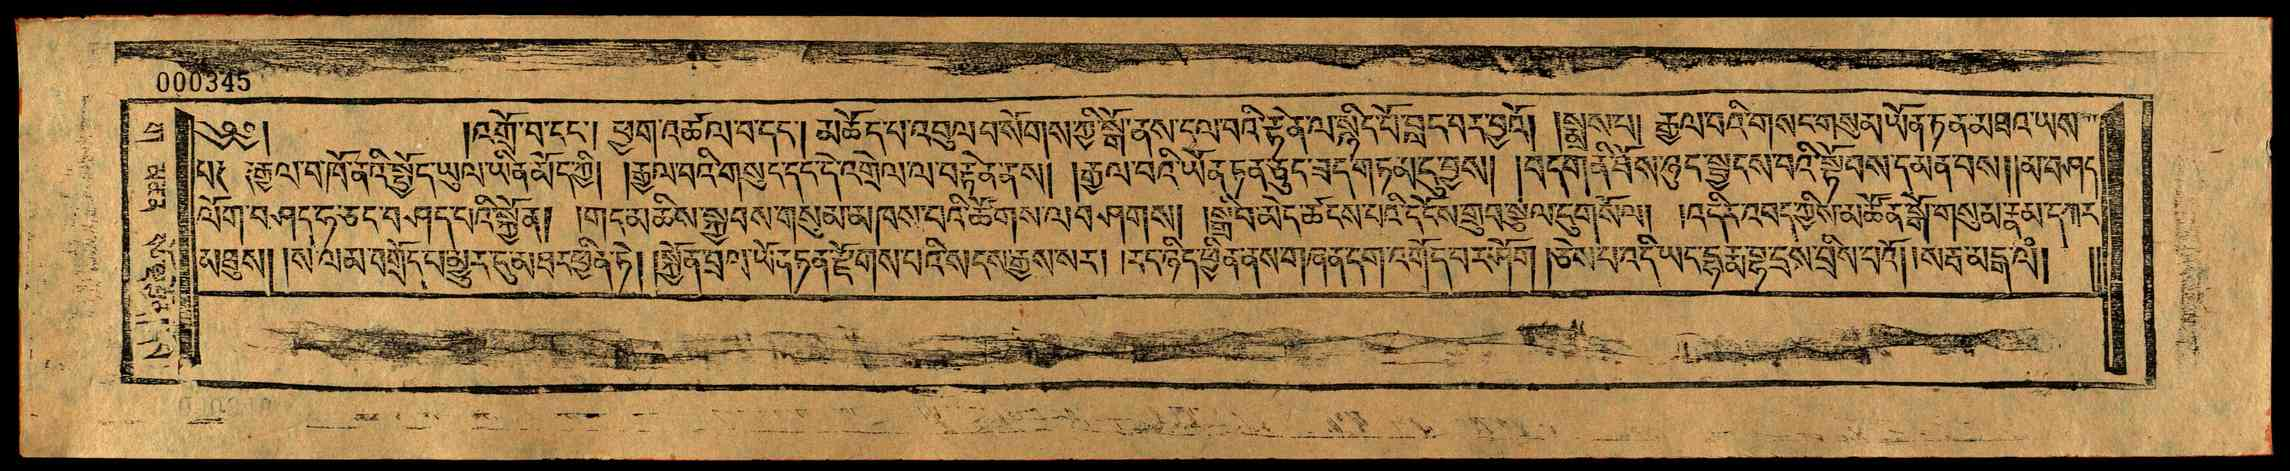༄༅། །འགྲོ་བ་དང་། ཕྱག་འཚལ་བ་དང་། མཆོད་པ་འབུལ་བ་སོགས་ཀྱི་སྒོ་ནས་དལ་བའི་རྟེན་ལ་སྙིང་པོ་བླང་བར་བྱའོ། །སྨྲས་པ། རྒྱལ་བའི་གསང་གསུམ་ཡོན་ཏན་མཐའ་ཡས་
པའི་རྒྱལ་བ་ཁོ་ནའི་སྤྱོད་ཡུལ་ཡིན་མོད་ཀྱི། །རྒྱལ་བའི་གསུང་དང་དེ་འགྲེལ་ལ་བརྟེན་ནས། །རྒྱལ་བའི་ཡོན་ཏན་ཅུང་ཟད་གཏམ་དུ་བྱས། །བདག་ནི་ཐོས་ཉུང་སྦྱངས་པའི་སྟོབས་དམན་པས། །མ་བཤད་
ལོག་བཤད་ཧ་ཅང་བཤད་པའི་སྐྱོན། །གང་མཆིས་སྐྱབས་གསུམ་མཁས་པའི་ཚོགས་ལ་བཤགས། །སྒྲིབ་མེད་ཚངས་པའི་དངོས་གྲུབ་སྩལ་དུ་གསོལ། །འདིར་འབད་ཀྱིས་མཚོན་སྒོ་གསུམ་རྣམ་དཀར་
མཐུས། །ས་ལམ་བགྲོད་པ་མྱུར་དུ་མཐར་ཕྱིན་ཏེ། །སྐྱོན་བྲལ་ཡོན་ཏན་རྫོགས་པའི་སངས་རྒྱས་སར། །རང་ཉིད་ཕྱིན་ནས་གཞན་དག་འགོད་པར་ཤོག །ཅེས་པ་འདི་ཡང་དྷ་རྨ་བྷ་དྲས་བྲིས་པའོ། །སརྦ་མངྒ་ལཾ།། །།
༄༅། །ཨཱ་རྱ་ཥ་ཊ་མུ་ཁོ་ནོ་དྷཱ་ར་ཎེ་ནི་སྨྲི་ཏ་པྲ་ས་ད་དཱི་པ་ནཱ་མ་བི་ཛ་ཧཱ་ར།།